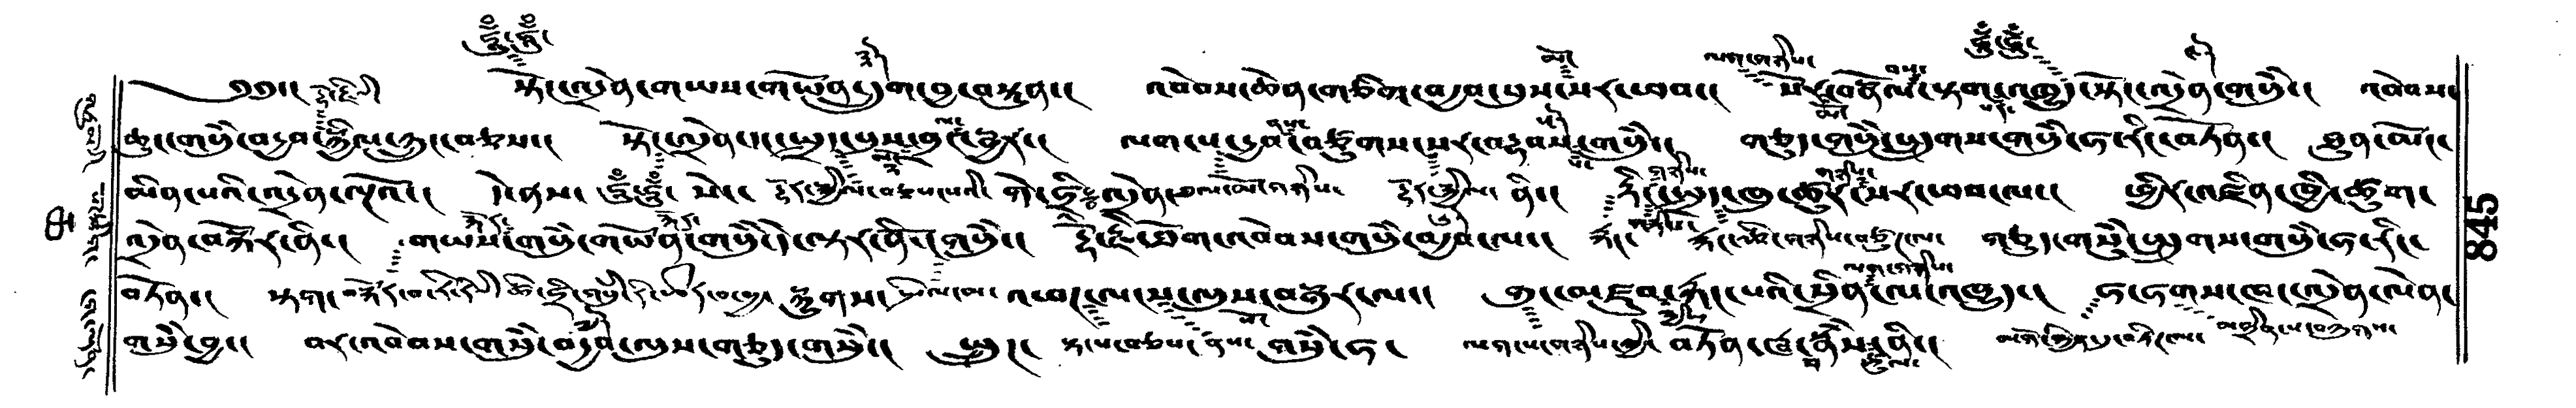།སྟོང་འདྲེན་གཡས་གཡོན་དྲུག་བྱ་བསྟུན། །འབེབས་ཆེན་གཅིག་བརྒྱབ་པུས་སར་ཕབ། །སོར་བསྣོལ་ལྟག་འཁྱུད་སྟོང་འདྲེན་གསུམ། །འབེབས་
ཆུང་གསུམ་བརྒྱབ་སྐྱིལ་ཀྲུང་བཅས། །སྟོང་འདྲེན་དང་སྤྲད་པུས་བྲང་སྦྱར། །ལག་པ་རྒྱབ་གཙུགས་སར་བརྡབ་གསུམ། །གཅུས་གསུམ་སྤྲུགས་གསུམ་ཧ་རིང་བཏོན། །ཐུན་མོང་
མིན་པའི་འདྲེན་ལྔའོ། །དེ་ནས་སེང་གེ་ཧྲཱིཿའདྲེན་ནི། །རྟིང་སྤྲད་ཁུ་ཚུར་སར་ཕབ་ལ། །ཕྱིར་འཛིན་ཁྱི་ཚུགས་
འདྲེན་བསྐོར་ནི། །གཡས་གསུམ་གཡོན་གསུམ་དེ་ལྟ་ནི། །རྡོ་རྗེ་ཐོག་འབེབས་གསུམ་བརྒྱབ་ལ། །གཅུས་གསུམ་སྤྲུགས་གསུམ་ཧ་རིང་
བཏོན། །སྟག་སྐྱུགས་འཕགས་ལངས་ལུས་བསྒུར་ལ། །གུང་མཛུབ་རྐང་པའི་སྲིན་ལ་འཁྱུད། །ཧ་ཧགས་ཁོང་འདྲེན་ལན་
གསུམ་བྱ། །བར་འབེབས་གསུམ་བརྒྱབ་ལུས་གཅུས་གསུམ། །སྤྲུགས་གསུམ་ཧ་བཏོན་ཝ་བསྣམས་ནི།